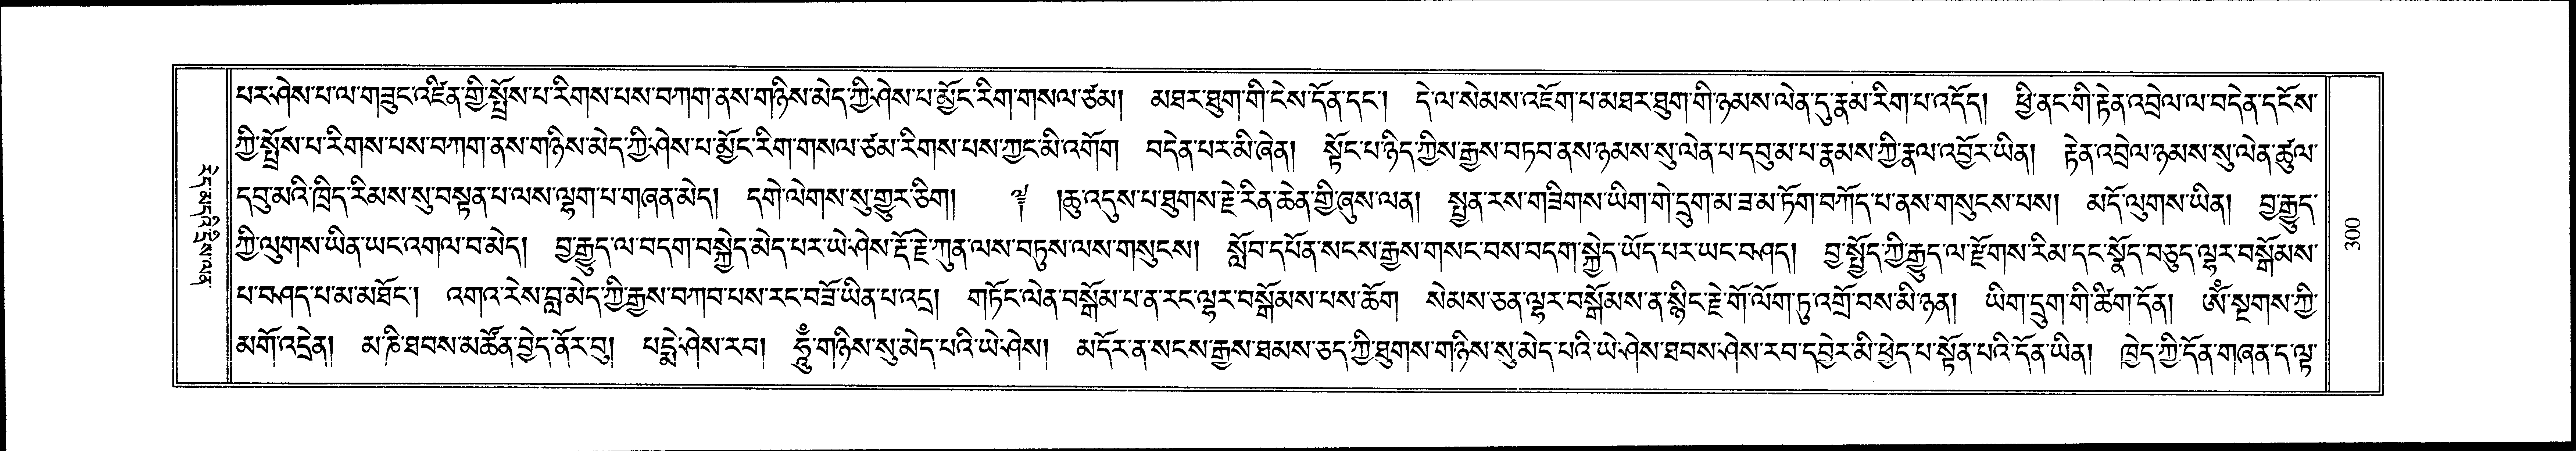པར་ཤེས་པ་ལ་གཟུང་འཛིན་གྱི་སྤྲོས་པ་རིགས་པས་བཀག་ནས་གཉིས་མེད་ཀྱི་ཤེས་པ་མྱོང་རིགས་ཙམ། མཐར་ཐུག་གི་ངེས་དོན་དང་། དེ་ལ་སེམས་འཇོག་པ་མཐར་ཐུག་གི་ཉམས་ལེན་དུ་རྣམ་རིག་པ་འདོད། ཕྱི་ནང་གི་རྟེན་འབྲེལ་ལ་བདེན་དངོས་
ཀྱི་སྤྲོས་པ་རིགས་པས་བཀག་ནས་གཉིས་མེད་ཀྱི་ཤེས་པ་མྱོང་རིག་གསལ་ཙམ་རིགས་པས་ཀྱང་མི་འགོག །བདེན་པར་མི་ཞེན། སྟོང་པ་ཉིད་ཀྱིས་རྒྱས་བཏབ་ནས་ཉམས་སུ་ལེན་པ་དབུ་མ་པ་རྣམས་ཀྱི་རྣལ་འབྱོར་ཡིན། རྟེན་འབྲེལ་ཉམས་སུ་ལེན་ཚུལ་
དབུ་མའི་ཁྲིད་རིམས་སུ་བསྟན་པ་ལས་ལྷག་པ་གཞན་མེད། དགེ་ལེགས་སུ་གྱུར་ཅིག། ༈ །ཆུ་འདུས་པ་ཐུགས་རྗེ་རིན་ཆེན་གྱི་ཞུས་ལན། སྤྱན་རས་གཟིགས་ཡིག་གེ་དྲུག་མ་ཟ་མ་ཏོག་བཀོད་པ་ནས་གསུངས་པས། མདོ་ལུགས་ཡིན། བྱ་རྒྱུད་
ཀྱི་ལུགས་ཡིན་ཡང་འགལ་བ་མེད། བྱ་རྒྱུད་ལ་བདག་བསྐྱེད་མེད་པར་ཡེ་ཤེས་རྡོ་རྗེ་ཀུན་ལས་བཏུས་ལས་གསུངས། སློབ་དཔོན་སངས་རྒྱས་གསང་བས་བདག་སྐྱེད་ཡོད་པར་ཡང་བཤད། བྱ་སྤྱོད་ཀྱི་རྒྱུད་ལ་རྫོགས་རིམ་དང་སྣོད་བཅུད་ལྷར་བསྒོམས་
པ་བཤད་པ་མ་མཐོང་། འགའ་རེས་བླ་མེད་ཀྱི་རྒྱས་བཀབ་པས་རང་བཟོ་ཡིན་པ་འདྲ། གཏོང་ལེན་བསྒོམ་པ་ན་རང་ལྷར་བསྒོམས་པས་ཆོག །སེམས་ཅན་ལྷར་བསྒོམས་ན་སྙིང་རྗེ་གོ་ལོག་ཏུ་འགྲོ་བས་མི་ཉན། ཡིག་དྲུག་གི་ཚིག་དོན། ཨོཾ་སྔགས་ཀྱི་
མགོ་འདྲེན། མ་ཎི་ཐབས་མཚོན་བྱེད་ནོར་བུ། པདམེ་ཤེས་རབ། ཧཱུཾ་གཉིས་སུ་མེད་པའི་ཡེ་ཤེས། མདོར་ན་སངས་རྒྱས་ཐམས་ཅད་ཀྱི་ཐུགས་གཉིས་སུ་མེད་པའི་ཡེ་ཤེས་ཐབས་ཤེས་རབ་དབྱེར་མི་ཕྱེད་པ་སྟོན་པའི་དོན་ཡིན། ཁྱེད་ཀྱི་དོན་གཞན་ད་ལྟ་